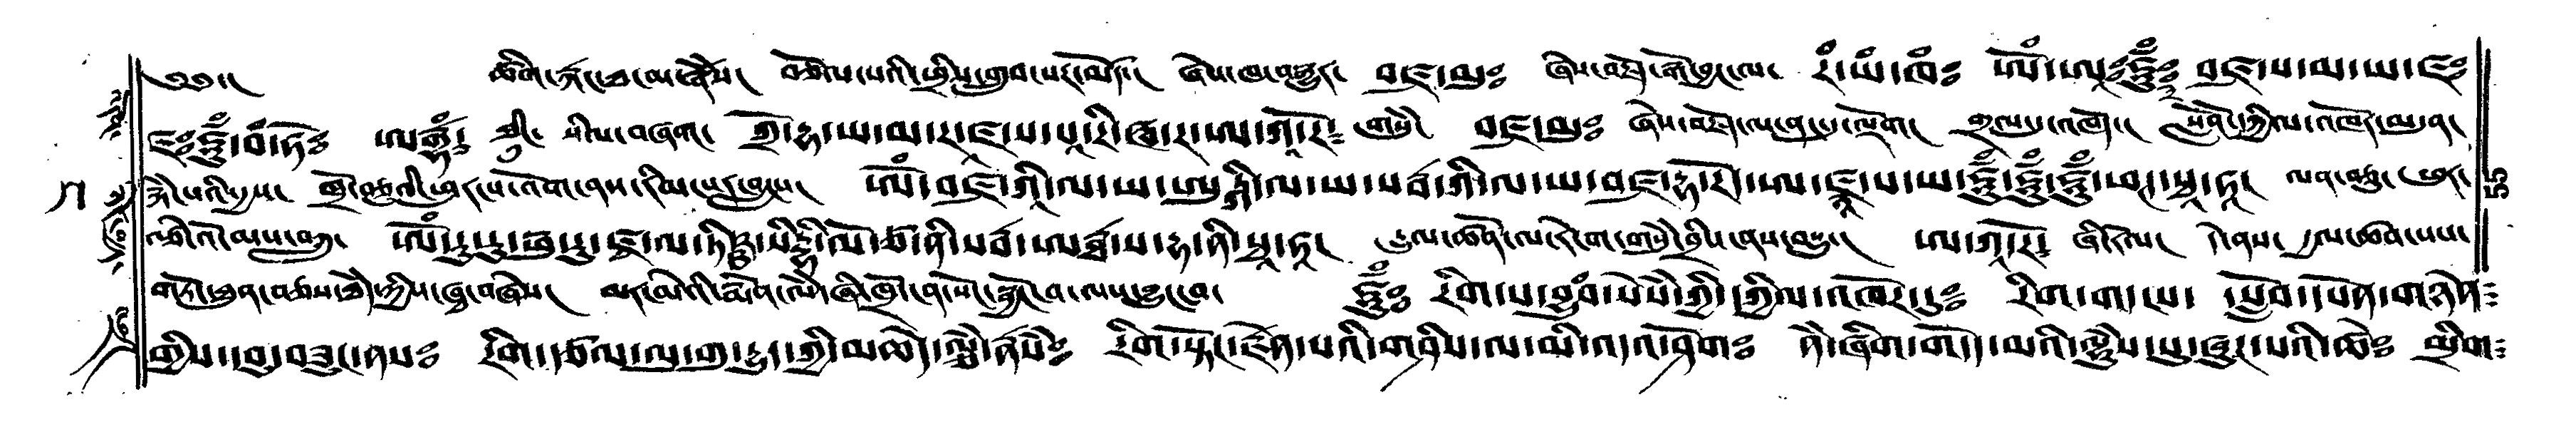ཚིག་རྐང་ཐ་མ་རྣམས། བཅོལ་པའི་ཕྲིན་ལས་གྲུབ་པར་མཛོད། ཞེས་ཁ་སྒྱུར། བཛྲ་མུཿ ཞེས་བརྗོད། སྒོ་བྱང་ལ། རཾ་ཡཾ་ཁཾ། ཨོཾ་ཨཱཿཧཱུྃ། ལན་གསུམ། བཛྲ་ས་མ་ཡ་ཛཿ 
ཛཿཧཱུྃ་བཾ་ཧོཿ ཨརྒྷཾ༴ ཐིང་གཅིག སིལ། བཞག ཀྲོ་དྷ་ཡ་མ་རཱ་ཛ་ས་པཱ་རི་ཝ་ར་ཨ་ཀཱ་རོ༴གསུམ། བཛྲ་མུཿ ཞེས་བརྗོད་ལ་ནང་དུ་ལྡོག གྲལ་དུ་འཁོད། སློབ་དཔོན་དཀྱིལ་འཁོར་མདུན་
སྐམ་པའི་རྒྱས། ཁྲོ་བཅུའི་ཕུར་པ་འོག་ནས་རིམ་པར་བླང་། ཨོཾ་བཛྲ་ཀཱི་ལ་ཡ་ཨུཏྐི་ལ་ཡ་སརྦ་ཀི་ལ་ཡ་བཛྲ་དྷ་རོད་ཨ་ཛྙཱ་ས་ཡ་ཧཱུྃ་ཧཱུྃ་ཧཱུྃ་ཕཊ་སྭ་ཧཱ། ལན་བཅུ། ཕུར་
རྩེ་འོ་མས་བཀྲུ། ཨོཾ་རུ་རུ་སྥུ་རུ་ཛྭ་ལ་ཏིཥྛ་སིདྡྷི་ལོ་ཙ་ནི་སརྦ་ཨརྠ་ས་དྷ་ནི་སྭཧཱ། རྡུལ་ཚོན་ལ་རེ་ག་གསུམ་བྲིས་ནས་བསྡུ། ཨ་ཀཱ་རོ༴ ཞི་རོལ། དེ་ནས། རྒྱལ་ཚབ་པས་
གཏོང་ཐུན་བཅས་ཐམས་ཅད་ཀྱིས་ཞྭ་བཞེས། མར་མེའི་སྨོན་ལམ་ཞི་ཁྲོ་ངན་སོང་སྦྱོང་བ་ལས་བྱུང་བ། ཧཱུྃ༔ རིག་པ་བྱང་ཆུབ་སེམས་ཀྱི་དཀྱིལ་འཁོར་དུཿ རིག་གདངས་སློབ་དཔོན་གཉེན་
གྱིས་དབུ་བཟུང་ནས༔ རིག་རྩལ་ལུ་གུ་རྒྱུད་ཀྱི་མཆེད་ལྕམ་རྣམས༔ རིག་སྟོང་རྗེན་པའི་གཤིས་ལས་མི་འདའ་ཤོག༔ ནམ་ཞིག་གདོད་མའི་ལྷུམས་སུ་ཞུགས་པའི་ཚེཿ མ་རིག་